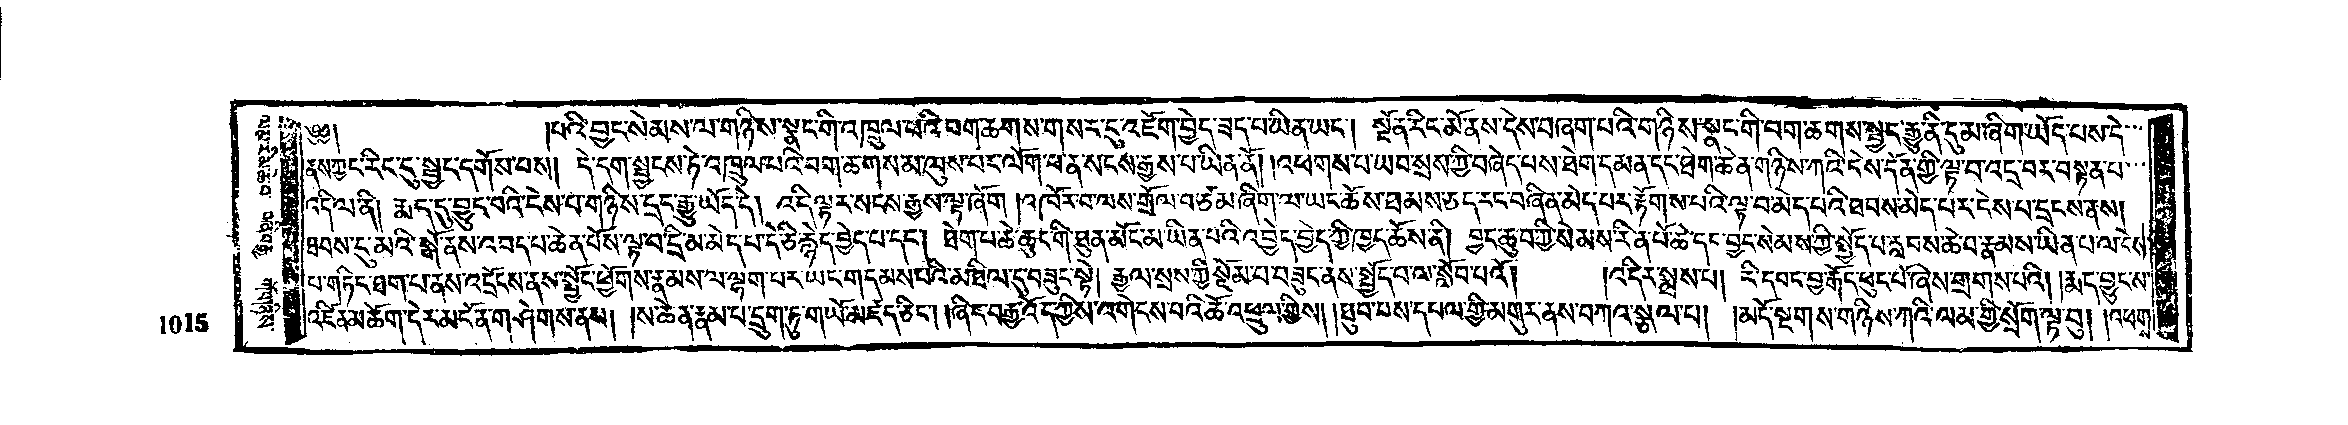༄༅། །པའི་བྱང་སེམས་ལ་གཉིས་སྣང་གི་འཁྲུལ་པའི་བག་ཆགས་གསར་དུ་འཇོག་བྱེད་ཟད་པ་ཡིན་ཡང་། སྔོན་རིང་མོ་ནས་དེས་བཞག་པའི་གཉིས་སྣང་གི་བག་ཆགས་སྦྱང་རྒྱུ་ནི་དུ་མ་ཞིག་ཡོད་པས་དེ་
ནས་ཀྱང་རིང་དུ་སྦྱང་དགོས་པས། དེ་དག་སྦྱངས་ཏེ་འཁྲུལ་པའི་བག་ཆགས་མ་ལུས་པར་ལོག་པ་ན་སངས་རྒྱས་པ་ཡིན་ནོ། །འཕགས་པ་ཡབ་སྲས་ཀྱི་བཞེད་པས་ཐེག་དམན་དང་ཐེག་ཆེན་གཉིས་ཀའི་ངེས་དོན་གྱི་ལྟ་བ་འདྲ་བར་བསྟན་པ་
འདི་ལ་ནི། རྨད་དུ་བྱུང་བའི་ངེས་པ་གཉིས་དྲང་རྒྱུ་ཡོད་དེ། འདི་ལྟར་སངས་རྒྱས་ལྟ་ཞོག །འཁོར་བ་ལས་གྲོལ་བ་ཙམ་ཞིག་ལ་ཡང་ཆོས་ཐམས་ཅད་རང་བཞིན་མེད་པར་རྟོགས་པའི་ལྟ་བ་མེད་པའི་ཐབས་མེད་པར་ངེས་པ་དྲངས་ནས།
ཐབས་དུ་མའི་སྒོ་ནས་འབད་པ་ཆེན་པོས་ལྟ་བ་དྲི་མ་མེད་པ་དེ་ཅི་རྙེད་བྱེད་པ་དང་། ཐེག་པ་ཆེ་ཆུང་གི་ཐུན་མོང་མ་ཡིན་པའི་འབྱེད་བྱེད་ཀྱི་ཁྱད་ཆོས་ནི། བྱང་ཆུབ་ཀྱི་སེམས་རིན་པོ་ཆེ་དང་བྱང་སེམས་ཀྱི་སྤྱོད་པ་རླབས་ཆེ་བ་རྣམས་ཡིན་པ་ལ་ངེས་
པ་གཏིང་ཐག་པ་ནས་འདྲོངས་ནས་སྤྱོད་ཕྱོགས་རྣམས་ལ་ལྷག་པར་ཡང་གདམས་པའི་མཐིལ་དུ་བཟུང་སྟེ། རྒྱལ་སྲས་ཀྱི་སྡོམ་པ་བཟུང་ནས་སྤྱོད་པ་ལ་སློབ་པའོ། །འདིར་སྨྲས་པ། རི་དབང་བྱ་རྒོད་ཕུང་པོ་ཞེས་གྲགས་པའི། །རྨད་བྱུང་ས་
འཛིན་མཆོག་དེར་མངོན་གཤེགས་ནས། །ས་ཆེན་རྣམ་པ་དྲུག་ཏུ་གཡོ་མཛད་ཅིང་། །ཞིང་བརྒྱ་འོད་ཀྱིས་འགེངས་པའི་ཆོ་འཕྲུལ་གྱིས། །ཐུབ་པས་དཔལ་གྱི་མགུར་ནས་བཀའ་སྩལ་པ། །མདོ་སྔགས་གཉིས་ཀའི་ལམ་གྱི་སྲོག་ལྟ་བུ། །འཕགས་